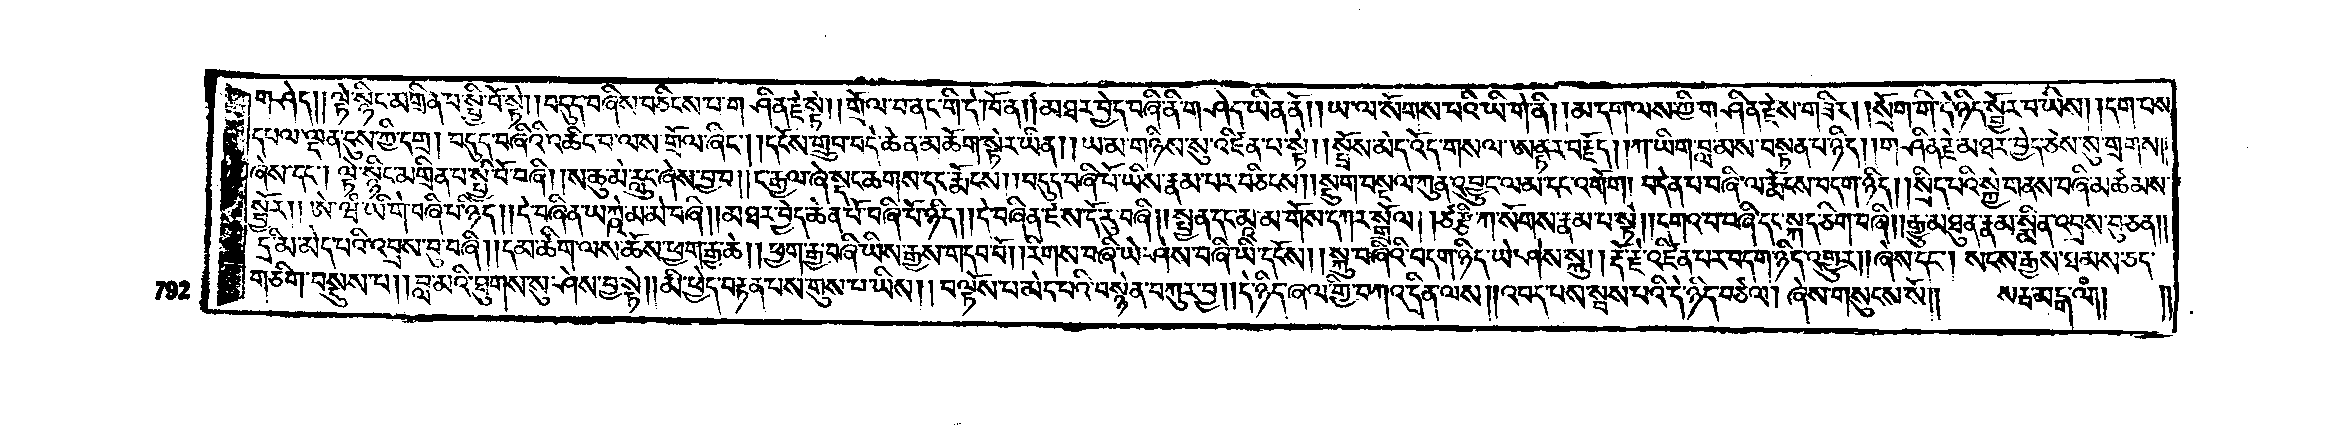གཤེད། །ལྟེ་སྙིང་མགྲིན་པ་སྤྱི་བོ་སྟེ། །བདུད་བཞིས་བཅིངས་པ་གཤིན་རྗེ་སྟེ། །གྲོལ་བ་ནང་གི་དེ་ཁོ་ན། །མཐར་བྱེད་བཞི་ནི་གཤེད་ཡིན་ནོ། །ཡ་ལ་སོགས་པའི་ཡི་གེ་ནི། །མ་དག་ལས་ཀྱི་གཤིན་རྗེས་གཟིར། །སྲོག་གི་དེ་ཉིད་སྦྱོར་བ་ཡིས། །དག་པས་
དཔལ་ལྡན་དུས་ཀྱི་དགྲ། བདུད་བཞིའི་འཆིང་བ་ལས་གྲོལ་ཞིང་། །དངོས་གྲུབ་བདེ་ཆེན་མཆོག་སྟེར་ཡིན། །ཡ་མ་གཉིས་སུ་འཛིན་པ་སྟེ། །སྤྲོས་མེད་འོད་གསལ་ཨནྟར་བརྗོད། །ཀ་ཡིག་བླ་མས་བསྟན་པ་ཉིད། །གཤིན་རྗེ་མཐར་བྱེད་ཅེས་སུ་གྲགས། །
ཞེས་དང་། ལྟེ་སྙིང་མགྲིན་པ་སྤྱི་བོ་བཞི། །ས་ཆུ་མེ་རླུང་ཞེས་བྱ་བ། །ང་རྒྱལ་ཞེ་སྡང་ཆགས་དང་རྨོངས། །བདུད་བཞི་པོ་ཡིས་རྣམ་པར་བཅིངས། །སྡུག་བསྔལ་ཀུན་འབྱུང་ལམ་དང་འགོག །བདེན་པ་བཞི་ལ་རྨོངས་བདག་ཉིད། །སྲིད་པའི་སྐྱེ་གནས་བཞི་མཚམས་
སྦྱོར། །ཨེ་ཝཾ་ཡི་གེ་བཞི་པ་ཉིད། །དེ་བཞིན་ཡཀྵེ་མ་མེ་བཞི། །མཐར་བྱེད་ཆེན་པོ་བཞི་པོ་ཉིད། །དེ་བཞིན་ཛ་ས་དོ་རུ་བཞི། །སྤྱན་དང་མཱ་མ་གོས་དཀར་སྒྲོལ། །ཙ་རྩི་ཀ་སོགས་རྣམ་པ་སྟེ། །དགའ་བ་བཞི་དང་སྐད་ཅིག་བཞི། །རྒྱུ་མཐུན་རྣམ་སྨིན་འབྲས་བུ་ཅན། །
དྲི་མ་མེད་པའི་འབྲས་བུ་བཞི། །དམ་ཚིག་ལས་ཆོས་ཕྱག་རྒྱ་ཆེ། །ཕྱག་རྒྱ་བཞི་ཡིས་རྒྱས་གདབ་བོ། །རིགས་བཞི་ཡེ་ཤེས་བཞི་ཡི་དངོས། །སྐུ་བཞིའི་བདག་ཉིད་ཡེ་ཤེས་སྐུ། །རྡོ་རྗེ་འཛིན་པར་བདག་ཉིད་འགྱུར། །ཞེས་དང་། སངས་རྒྱས་ཐམས་ཅད་
གཅིག་བསྡུས་པ། །བླ་མའི་ཐུགས་སུ་ཤེས་བྱ་སྟེ། །མི་ཕྱེད་བརྟན་པས་གུས་པ་ཡིས། །བལྟོས་པ་མེད་པའི་བསྙེན་བཀུར་བྱ། །དེ་ཉིད་ཞལ་གྱི་བཀའ་དྲིན་ལས། །འབད་པས་སྦས་པའི་དེ་ཉིད་བཙལ། ཞེས་གསུངས་སོ།། སརྦ་མངྒ་ལཾ།། །།